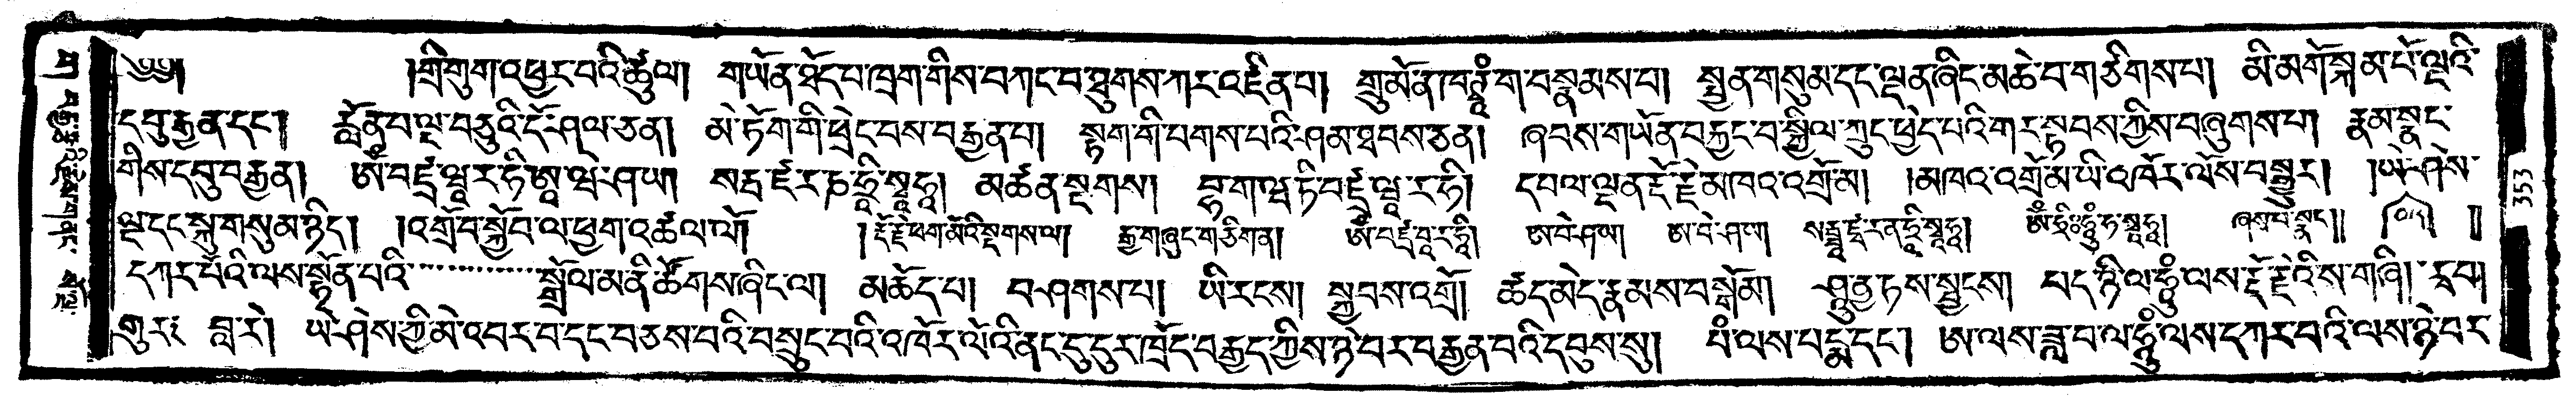༄༅། །གྲི་གུག་འཕྱར་བའི་ཚུལ། གཡོན་ཐོད་པ་ཁྲག་གིས་བཀང་བ་ཐུགས་ཀར་འཛིན་པ། གྲུ་མོ་ན་ཁ་ཊྭཱཾ་ག་བསྣམས་པ། སྤྱན་གསུམ་དང་ལྡན་ཞིང་མཆེ་བ་གཙིགས་པ། མི་མགོ་སྐམ་པོ་ལྔའི་
དབུ་རྒྱན་དང་། རློན་པ་ལྔ་བཅུའི་དོ་ཤལ་ཅན། མེ་ཏོག་གི་ཕྲེང་བས་བརྒྱན་པ། སྟག་གི་པགས་པའི་ཤམ་ཐབས་ཅན། ཞབས་གཡོན་བརྐྱང་བ་སྐྱིལ་ཀྲུང་ཕྱེད་པའི་གར་སྟབས་ཀྱིས་བཞུགས་པ། རྣམ་སྣང་
གིས་དབུ་བརྒྱན། ཨོཾ་བཛྲ་ཝཱ་ར་ཧི་ཨཱ་ཝེ་ཤ་ཡ། སརྦ་ཛ་ར་ཎ་ཧྲཱི་སྭཱཧཱ། མཚན་སྔགས། བྷ་ག་ཝ་ཏི་བཛྲ་ཝཱ་ར་ཧི། དཔལ་ལྡན་རྡོ་རྗེ་མཁའ་འགྲོ་མ། །མཁའ་འགྲོ་མ་ཡི་འཁོར་ལོས་བསྒྱུར། །ཡེ་ཤེས་
ལྔ་དང་སྐུ་གསུམ་ཉིད། །འགྲོ་བ་སྐྱོབ་ལ་ཕྱག་འཚལ་ལོ། །རྡོ་རྗེ་ཕག་མོའི་སྔགས་ལ། རྒྱ་གཞུང་གཅིག་ན། ཨོཾ་བཛྲ་བཱ་ར་ཧཱི། ཨ་བེ་ཤ་ཡ། ཨ་བེ་ཤ་ཡ། སརྦྦཱ་ཛྭ་ར་ན་ཧྲཱི་སྭཱཧཱ། ཨོཾ་ཧྲིཿཧཱུཾ་ཧ་སྭཱཧཱ། ཞེས་པ་སྣང།། ༧༨?་།།
དཀར་པོའི་ལས་སྟོན་པའི་སྒྲོལ་མ་ནི་ཚོགས་ཞིང་ལ། མཆོད་པ། བཤགས་པ། ཡི་རངས། སྐྱབས་འགྲོ། ཚད་མེད་རྣམས་བསྒོམ། ཤཱུ་ནྱ་ཏས་སྦྱངས། པད་ཉི་ལ་ཧཱུཾ་ལས་རྡོ་རྗེའི་ས་གཞི། རྭ་བ།
གུར༑ བླ་རེ། ཡེ་ཤེས་ཀྱི་མེ་འབར་བ་དང་བཅས་པའི་བསྲུང་བའི་འཁོར་ལོའི་ནང་དུ་དུར་ཁྲོད་བརྒྱད་ཀྱིས་ཉེ་བར་བརྒྱན་བའི་དབུས་སུ། པཾ་ལས་པདམ་དང་། ཨ་ལས་ཟླ་བ་ལ་ཧཱུཾ་ལས་དཀར་བའི་ལས་ཉེ་བར་